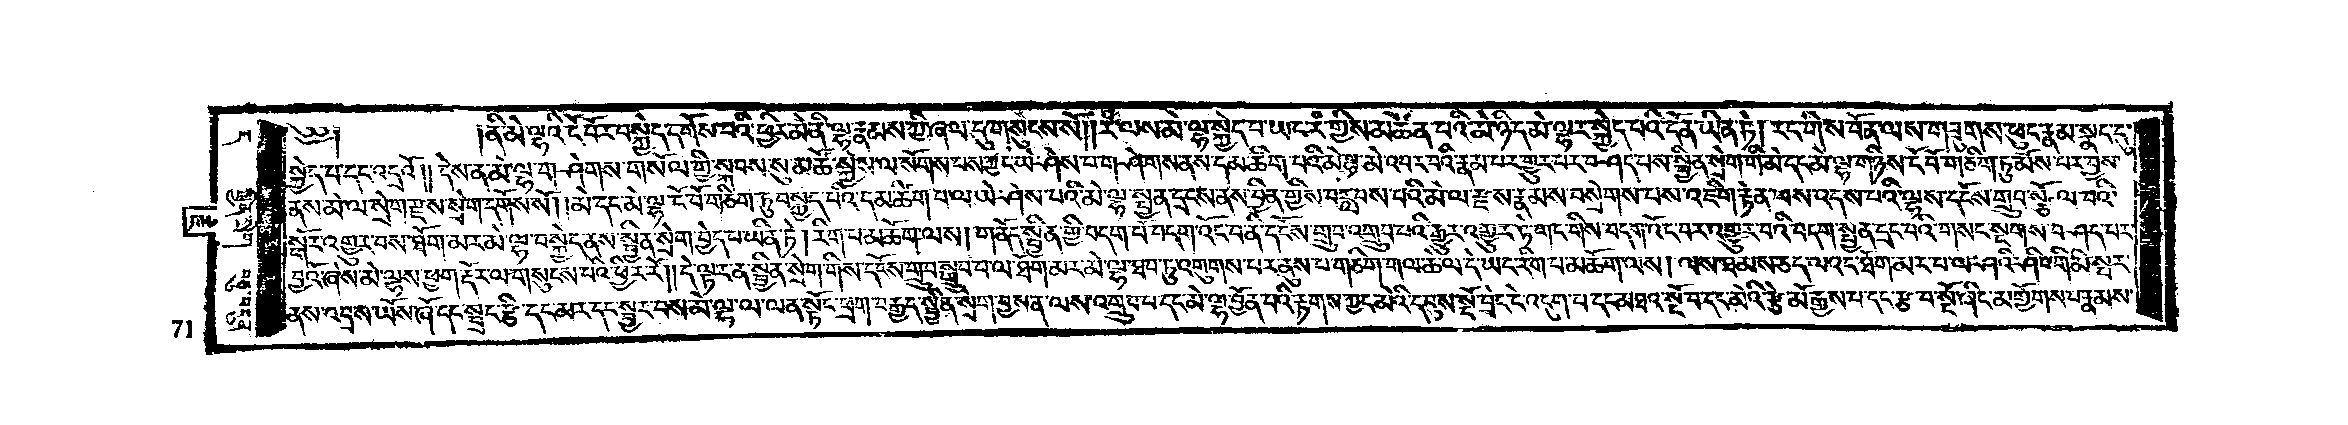༄༅། །ནི་མེ་ལྷའི་ངོ་བོར་བསྐྱེད་དགོས་པའི་ཕྱིར་མེ་ནི་ལྷ་རྣམས་ཀྱི་ཞལ་དུ་གསུངས་སོ། །རཾ་ལས་མེ་ལྷ་སྐྱེད་པ་ཡང་རཾ་གྱིས་མཚོན་པའི་མེ་ཉིད་མེ་ལྷར་སྐྱེད་པའི་དོན་ཡིན་ཏེ། རང་གི་ས་བོན་ལས་གཟུགས་ཕུང་རྣམ་སྣང་དུ་
སྐྱེད་པ་དང་འདྲའོ། །དེས་ན་མེ་ལྷ་གཤེགས་གསོལ་གྱི་སྐབས་སུ་མཚོ་སྐྱེས་ལ་སོགས་པས་ཀྱང་ཡེ་ཤེས་པ་གཤེགས་ནས་དམ་ཚིག་པའི་མེ་ལྷ་མེ་འབར་བའི་རྣམ་པར་གྱུར་པར་བཤད་པས་སྦྱིན་སྲེག་གི་མེ་དང་མེ་ལྷ་གཉིས་ངོ་བོ་གཅིག་ཏུ་མོས་པར་བྱས་
ནས་མེ་ལ་སྲེག་རྫས་སྲེག་དགོས་སོ། །མེ་དང་མེ་ལྷ་ངོ་བོ་གཅིག་ཏུ་བསྐྱེད་པའི་དམ་ཚིག་པ་ལ་ཡེ་ཤེས་པའི་མེ་ལྷ་སྤྱན་དྲངས་ནས་བྱིན་གྱིས་བརླབས་པའི་མེ་ལ་རྫས་རྣམས་བསྲེགས་པས་འཇིག་རྟེན་ལས་འདས་པའི་ལྷས་དངོས་གྲུབ་སྩོལ་བའི་
སྒོར་འགྱུར་བས་ཐོག་མར་མེ་ལྷ་བསྐྱེད་ནས་སྦྱིན་སྲེག་བྱེད་པ་ཡིན་ཏེ། རིག་པ་མཆོག་ལས། གནོད་སྦྱིན་གྱི་བདག་པོ་བདག་འོང་བ་ནི་དངོས་གྲུབ་འགྲུབ་པའི་རྒྱུར་འགྱུར་ཏེ་གང་གིས་བདག་འོང་བར་འགྱུར་བའི་བདག་སྤྱན་དྲང་བའི་གསང་སྔགས་བཤད་པར་
བྱའོ་ཞེས་མེ་ལྷས་ཕྱག་རྡོར་ལ་གསུངས་པའི་ཕྱིར་རོ། །དེ་ལྟར་ན་སྦྱིན་སྲེག་གིས་དངོས་གྲུབ་སྒྲུབ་པ་ལ་ཐོག་མར་མེ་ལྷ་ཐབ་ཏུ་འགུགས་པར་ནུས་པ་གཅིག་གལ་ཆེ་ལ་དེ་ཡང་རིག་པ་མཆོག་ལས། ལས་ཐམས་ཅད་ལའང་ཐོག་མར་པ་ལ་ཤའི་ཤིང་གི་མི་སྤར་
ནས་འབྲས་ཡོས་ཞོ་དང་སྦྲང་རྩི་དང་མར་དང་སྦྱར་བས་མེ་ལྷ་ལ་ལན་སྟོང་ཕྲག་བརྒྱད་སྦྱིན་སྲེག་བྱས་ན་ལས་འགྲུབ་པ་དང་མེ་ལྷ་བྱོན་པའི་རྟགས་ཀྱང་མེའི་དབུས་སྔོ་བྲེང་ངེ་འདུག་པ་དང་མཐའ་སྔོ་བ་དང་མེའི་རྩེ་མོ་རྒྱས་པ་དང་རྩ་བ་སྔོ་ཞིང་མགྱོགས་པ་རྣམས་